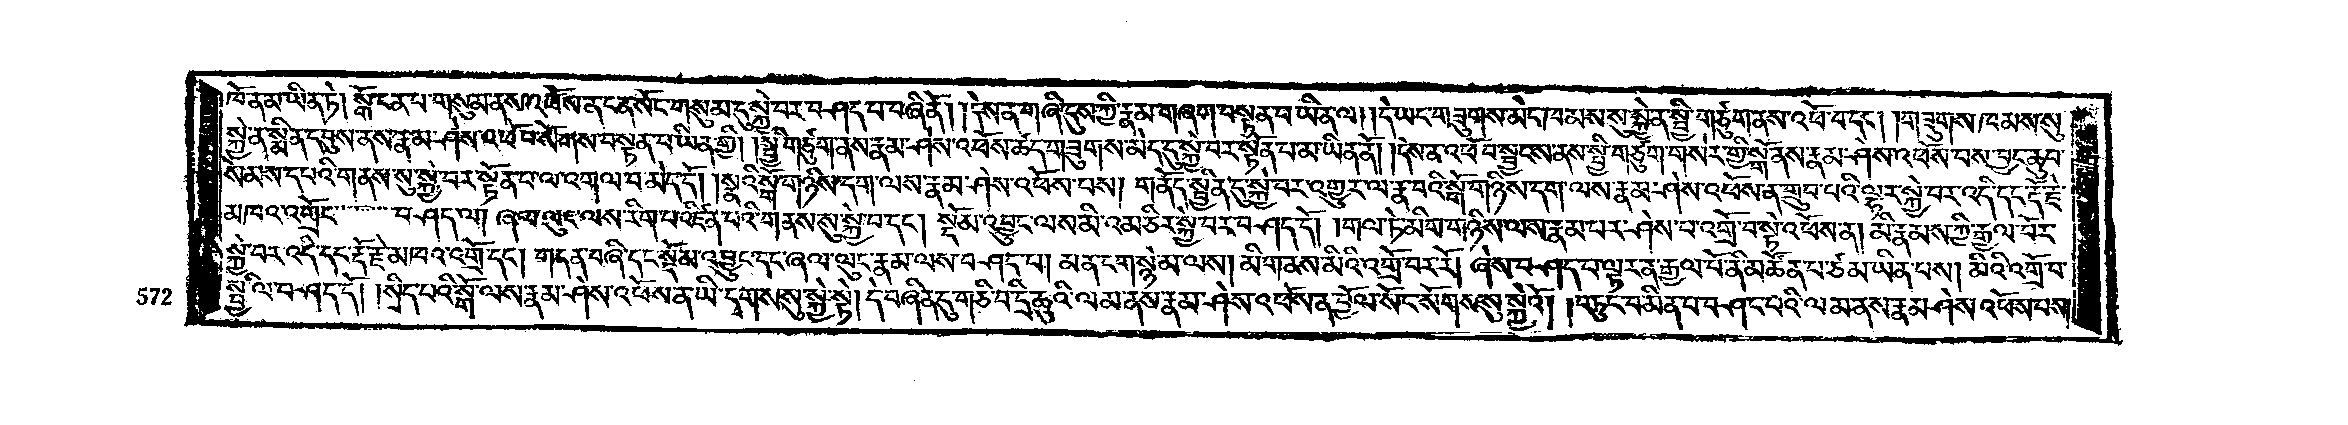ཁོ་ན་མ་ཡིན་ཏེ། སྒོ་ངན་པ་གསུམ་ནས་འཕོས་ན་ངན་སོང་གསུམ་དུ་སྐྱེ་བར་བཤད་པ་བཞིན་ནོ། །དེས་ན་གཞི་དུས་ཀྱི་རྣམ་གཞག་བསྟན་པ་ཡིན་ལ། །དེ་ཡང་གཟུགས་མེད་ཁམས་སུ་སྐྱེ་ན་སྤྱི་གཙུག་ནས་འཕོ་བ་དང་། །གཟུགས་ཁམས་སུ་
སྐྱེ་ན་སྨིན་དབུས་ནས་རྣམ་ཤེས་འཕོ་བ་སོགས་བསྟན་པ་ཡིན་གྱི། །སྤྱི་གཙུག་ནས་རྣམ་ཤེས་འཕོས་ཚད་གཟུགས་མེད་དུ་སྐྱེ་བར་སྟོན་པ་མ་ཡིན་ནོ། །དེས་ན་འཕོ་བ་སྦྱངས་ནས་སྤྱི་གཙུག་གསེར་གྱི་སྒོ་ནས་རྣམ་ཤེས་འཕོས་པས་བྱང་ཆུབ་
སེམས་དཔའི་གནས་སུ་སྐྱེ་བར་སྟོན་པ་ལ་འགལ་བ་མེད་དོ། །སྣའི་སྒོ་གཉིས་དག་ལས་རྣམ་ཤེས་འཕོས་པས། གནོད་སྦྱིན་དུ་སྐྱེ་བར་འགྱུར་ལ་རྣ་བའི་སྒོ་གཉིས་དག་ལས་རྣམ་ཤེས་འཕོས་ན་གྲུབ་པའི་ལྷར་སྐྱེ་བར་འདི་དང་རྡོ་རྗེ་
མཁའ་འགྲོང་བཤད་ལ། ཞལ་ལུང་ལས་རིག་པ་འཛིན་པའི་གནས་སུ་སྐྱེ་བ་དང་། སྡོམ་འབྱུང་ལས་མི་འམ་ཅིར་སྐྱེ་བར་བཤད་དོ། །གལ་ཏེ་མིག་གཉིས་ལས་རྣམ་པར་ཤེས་པ་འགྲོ་བ་སྟེ་འཕོས་ན། མི་རྣམས་ཀྱི་རྒྱལ་པོར་
སྐྱེ་བར་འདི་དང་རྡོ་རྗེ་མཁའ་འགྲོ་དང་། གདན་བཞི་དང་སྡོམ་འབྱུང་དང་ཞལ་ལུང་རྣམ་ལས་བཤད་པ། མན་ངག་སྙེ་མ་ལས། མི་གནས་མིའི་འགྲོ་བར་རོ། ཞེས་བཤད་པ་ལྟར་ན་རྒྱལ་པོ་ནི་མཚོན་པ་ཙམ་ཡིན་པས། མིའི་འགྲོ་བ་
སྤྱི་ལ་བཤད་དོ། །སྲིད་པའི་སྒོ་ལས་རྣམ་ཤེས་འཕོས་ན་ཡི་དྭགས་སུ་སྐྱེ་སྟེ། དེ་བཞིན་དུ་གཅི་བ་དྲི་ཆུའི་ལམ་ནས་རྣམ་ཤེས་འཕོས་ན་བྱོལ་སོང་སོགས་སུ་སྐྱེའོ། །བཏུང་བ་མིན་པ་བཤད་བའི་ལམ་ནས་རྣམ་ཤེས་འཕོས་པས།